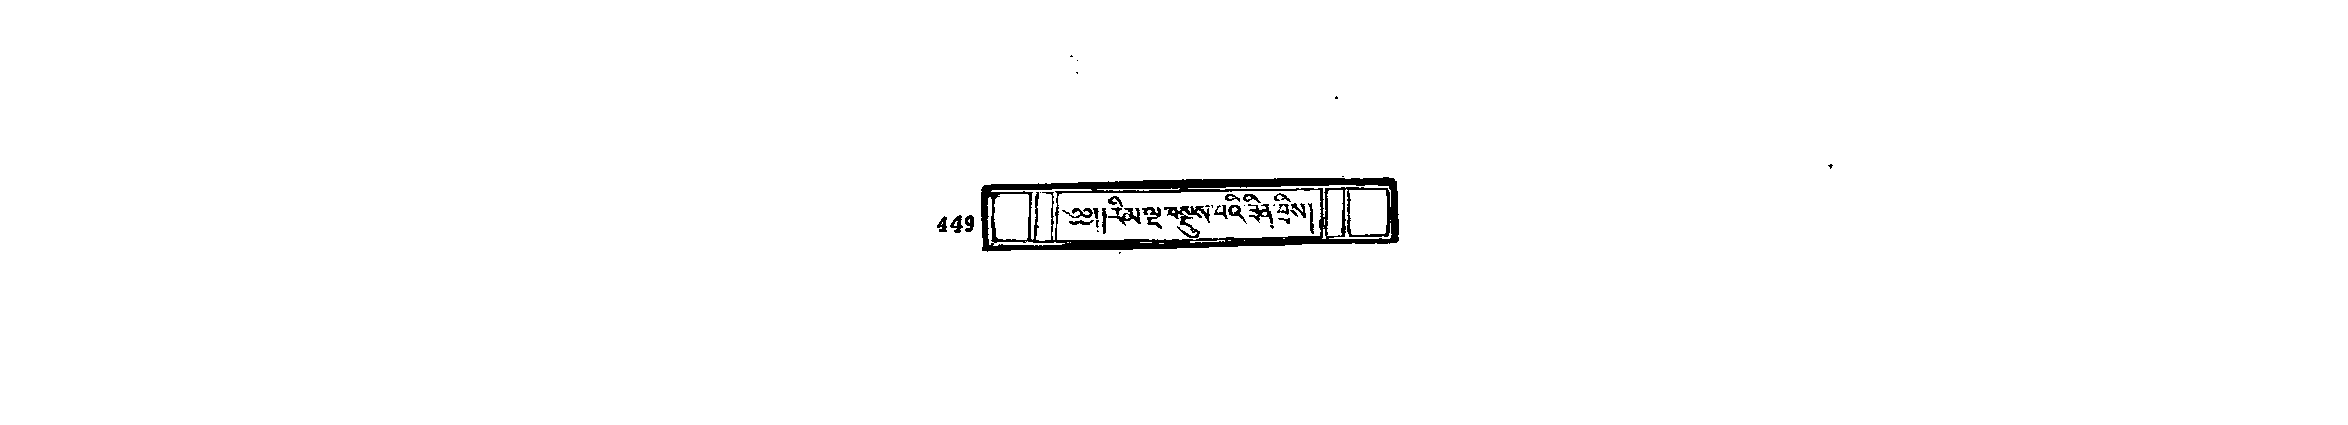༄༅། །རིམ་ལྔ་བསྡུས་པའི་ཟིན་བྲིས།